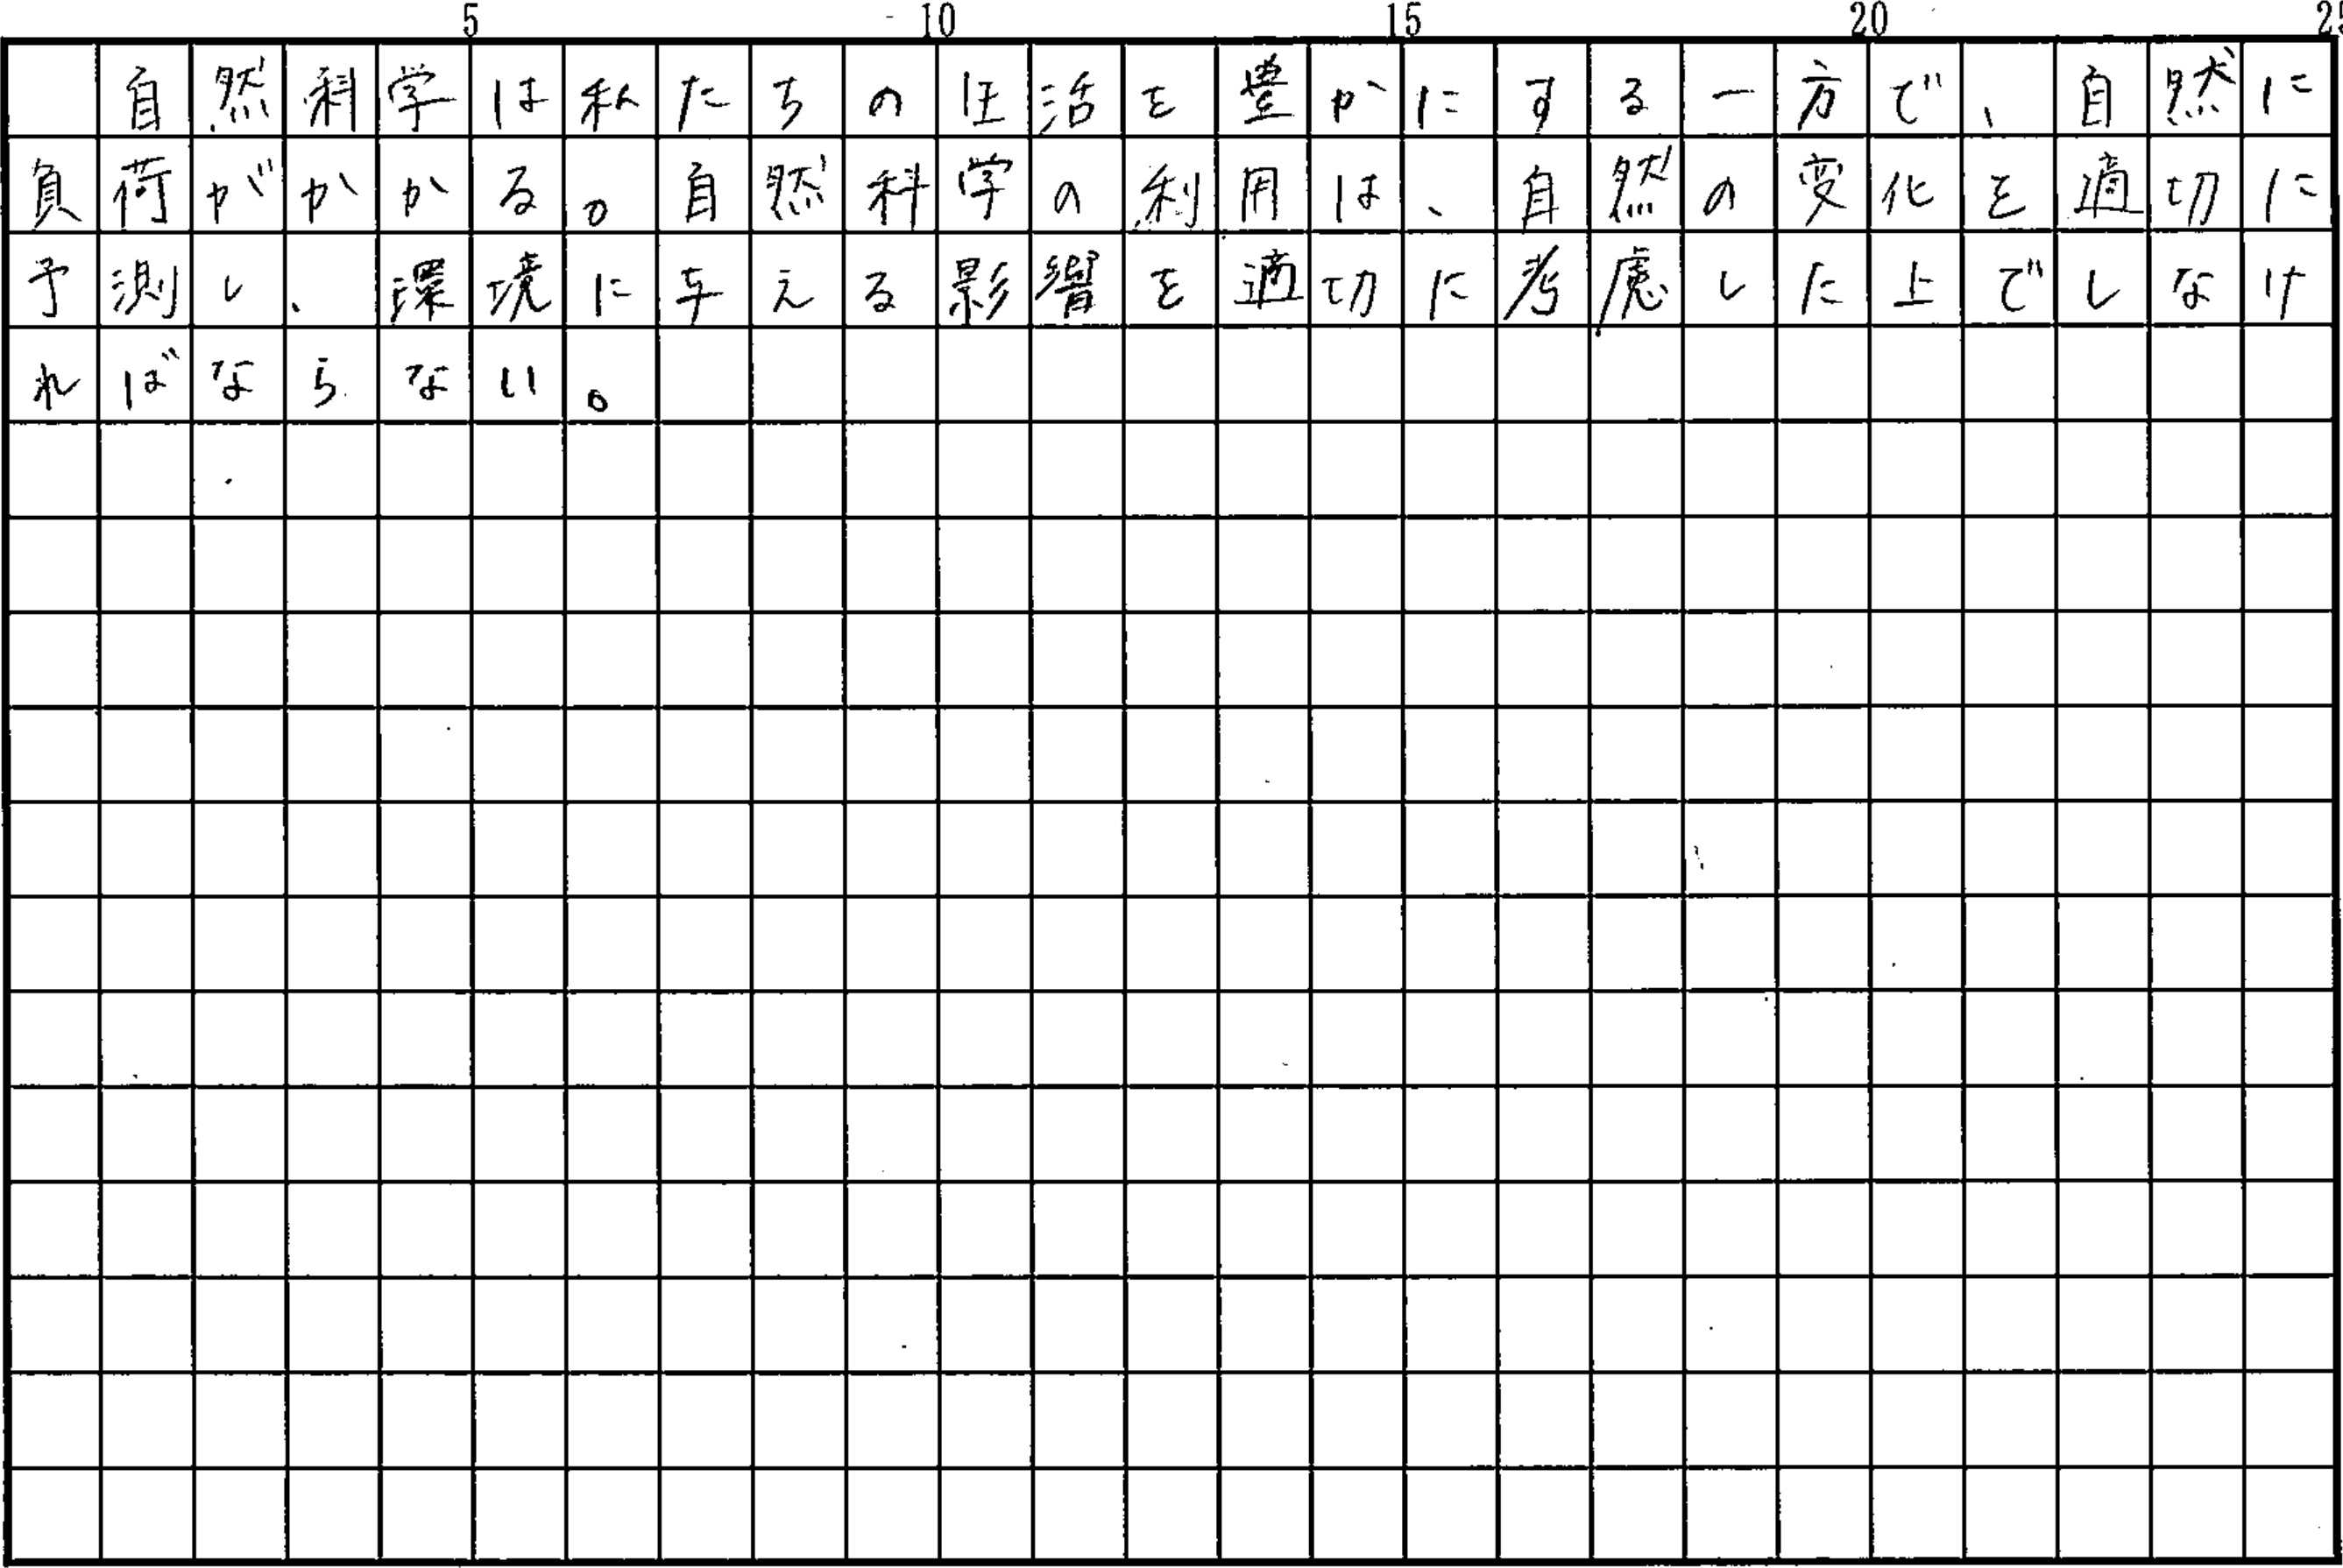　自然科学は私たちの生活を豊かにする一方で、自然に負荷がかかる。自然科学の利用は、自然の変化を適切に予測し、環境に与える影響を適切に考慮した上でしなければならない。
